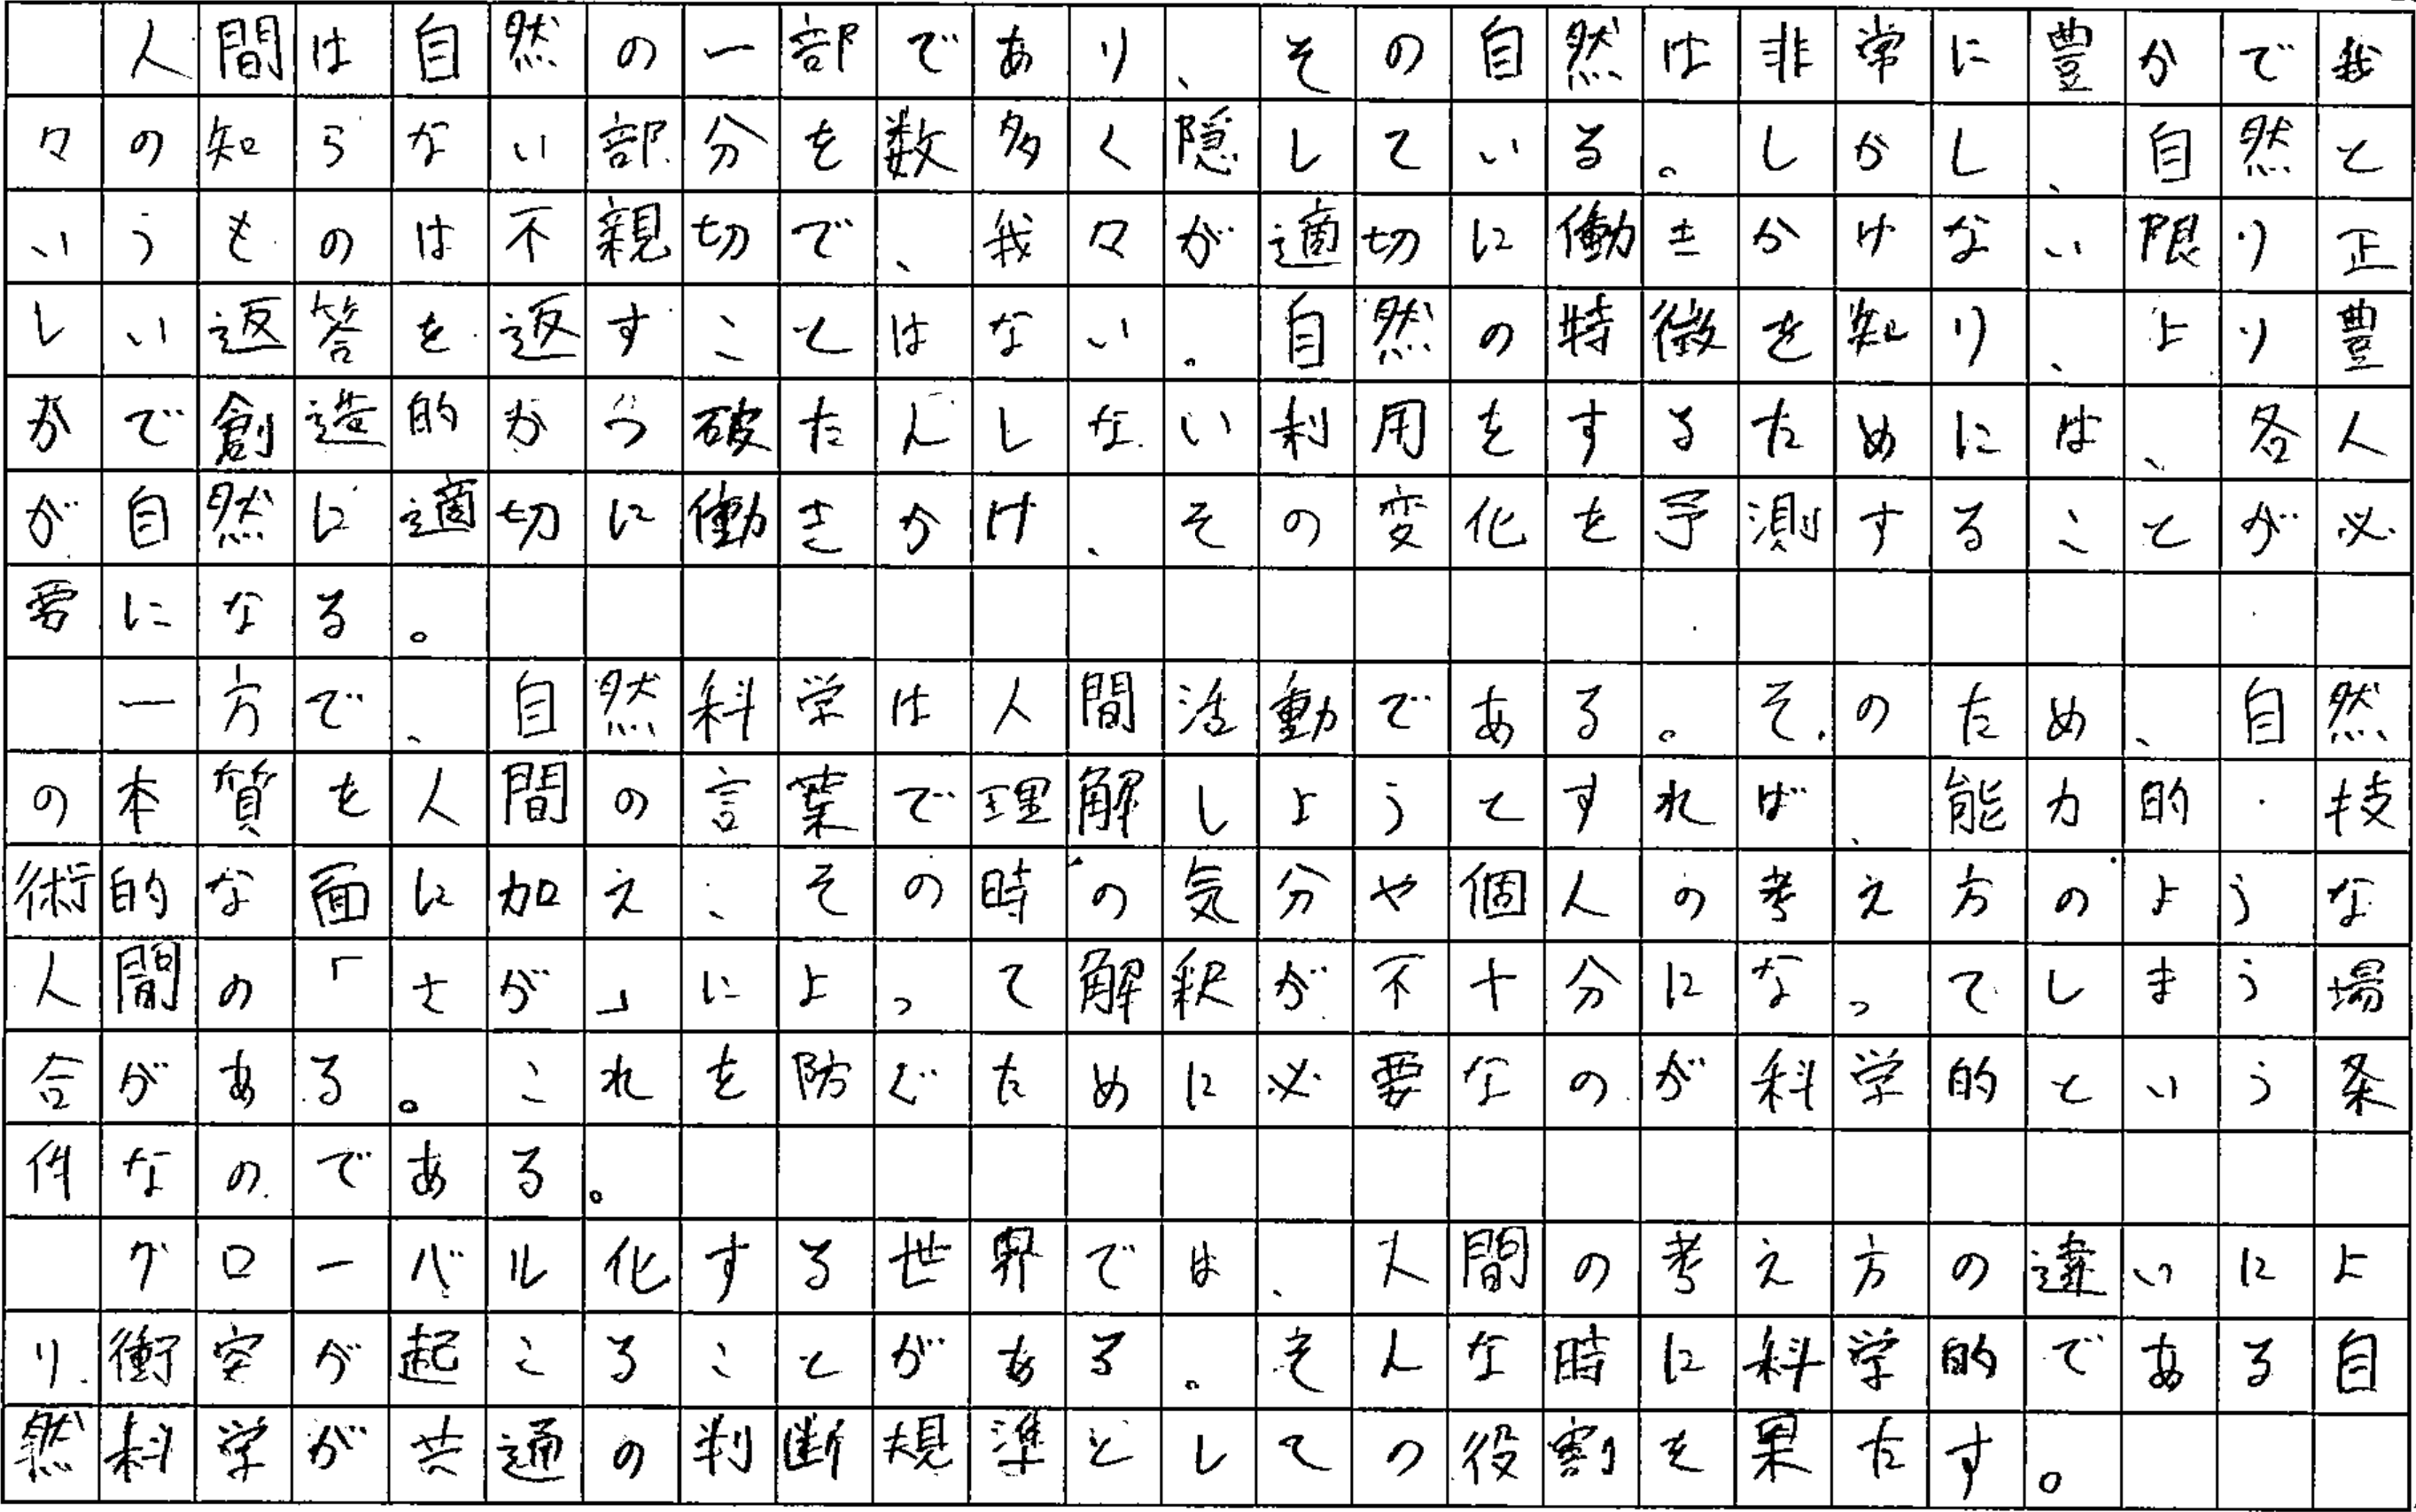　人間は自然の一部であり、その自然は非常に豊かで我々の知らない部分を数多く隠している。しかし、自然というものは不親切で、我々が適切に働きかけない限り正しい返答を返すことはない。自然の特徴を知り、より豊かで創造的かつ破たんしない利用をするためには、各人が自然に適切に働きかけ、その変化を予測することが必要になる。
　一方で、自然科学は人間活動である。そのため、自然の本質を人間の言葉で理解しようとすれば、能力的、技術的な面に加え、その時の気分や個人の考え方のような人間の「さが」によって解釈が不十分になってしまう場合がある。これを防ぐために必要なのが科学的という条件なのである。
　グローバル化する世界では、人間の考え方の違いにより衝突が起こることがある。そんな時に科学的である自然科学が共通の判断規準としての役割を果たす。
